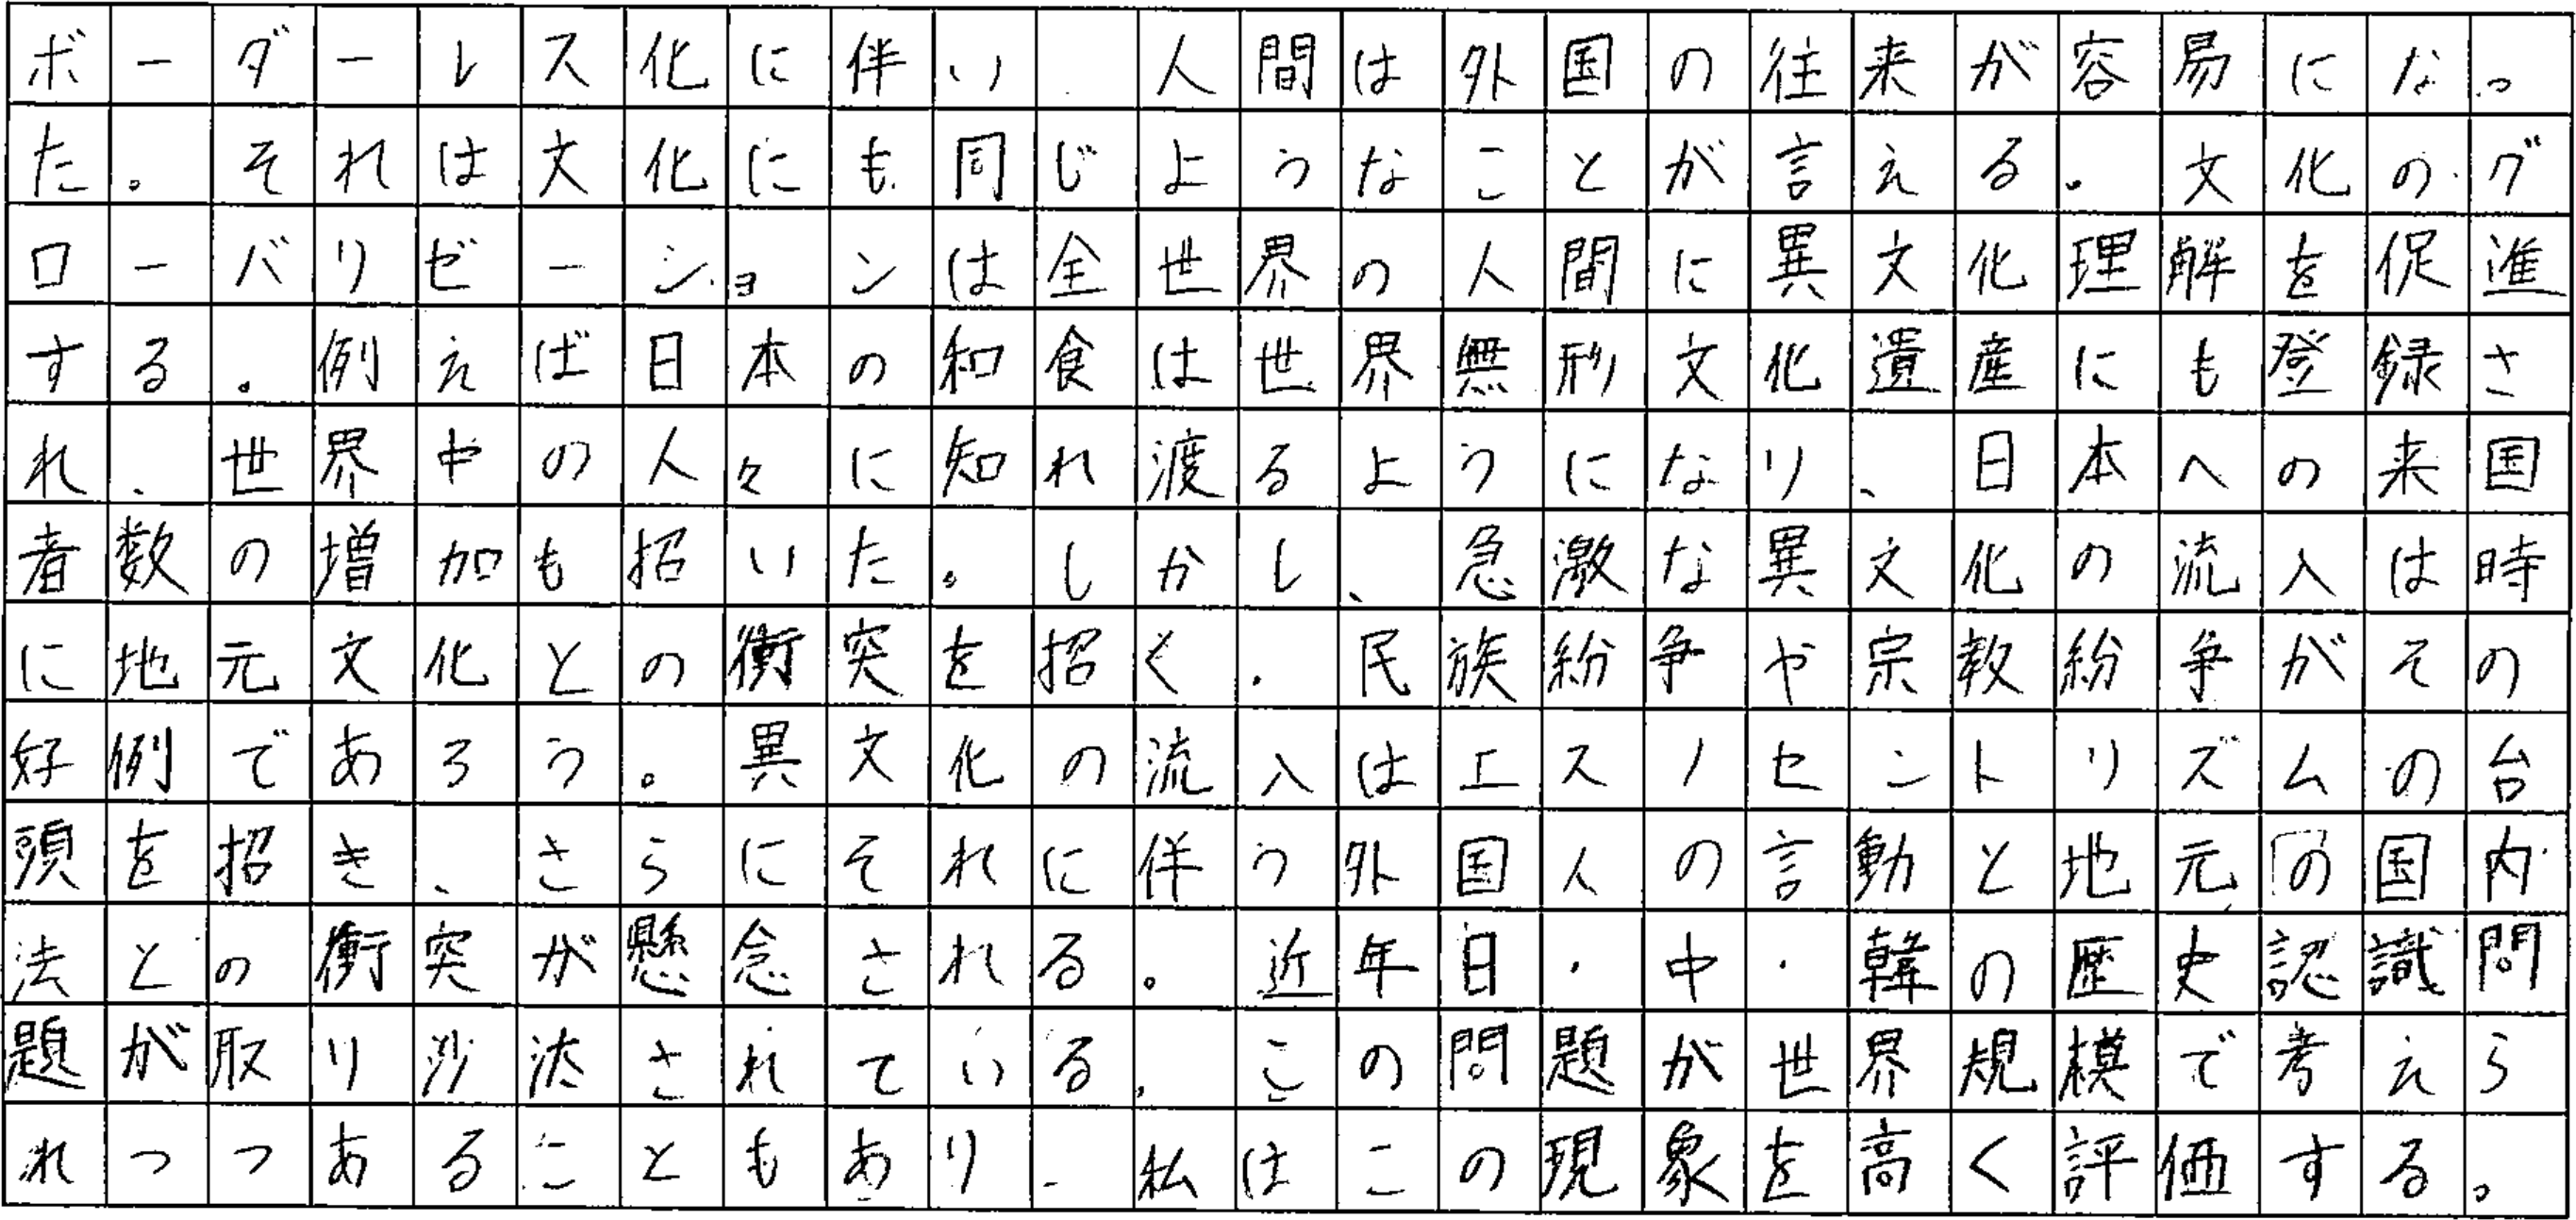ボーダーレス化に伴い、人間は外国の往来が容易になった。それは文化にも同じようなことが言える。文化のグローバリゼーションは全世界の人間に異文化理解を促進する。例えば日本の和食は世界無形文化遺産にも登録され、世界中の人々に知れ渡るようになり、日本への来国者数の増加も招いた。しかし、急激な異文化の流入は時に地元文化との衝突を招く。民族紛争や宗教紛争がその好例であろう。異文化の流入はエスノセントリズムの台頭を招き、さらにそれに伴う外国人の言動と地元の国内法との衝突が懸念される。近年日・中・韓の歴史認識問題が取り沙汰されている。この問題が世界規模で考えられつつあることもあり、私はこの現象を高く評価する。
